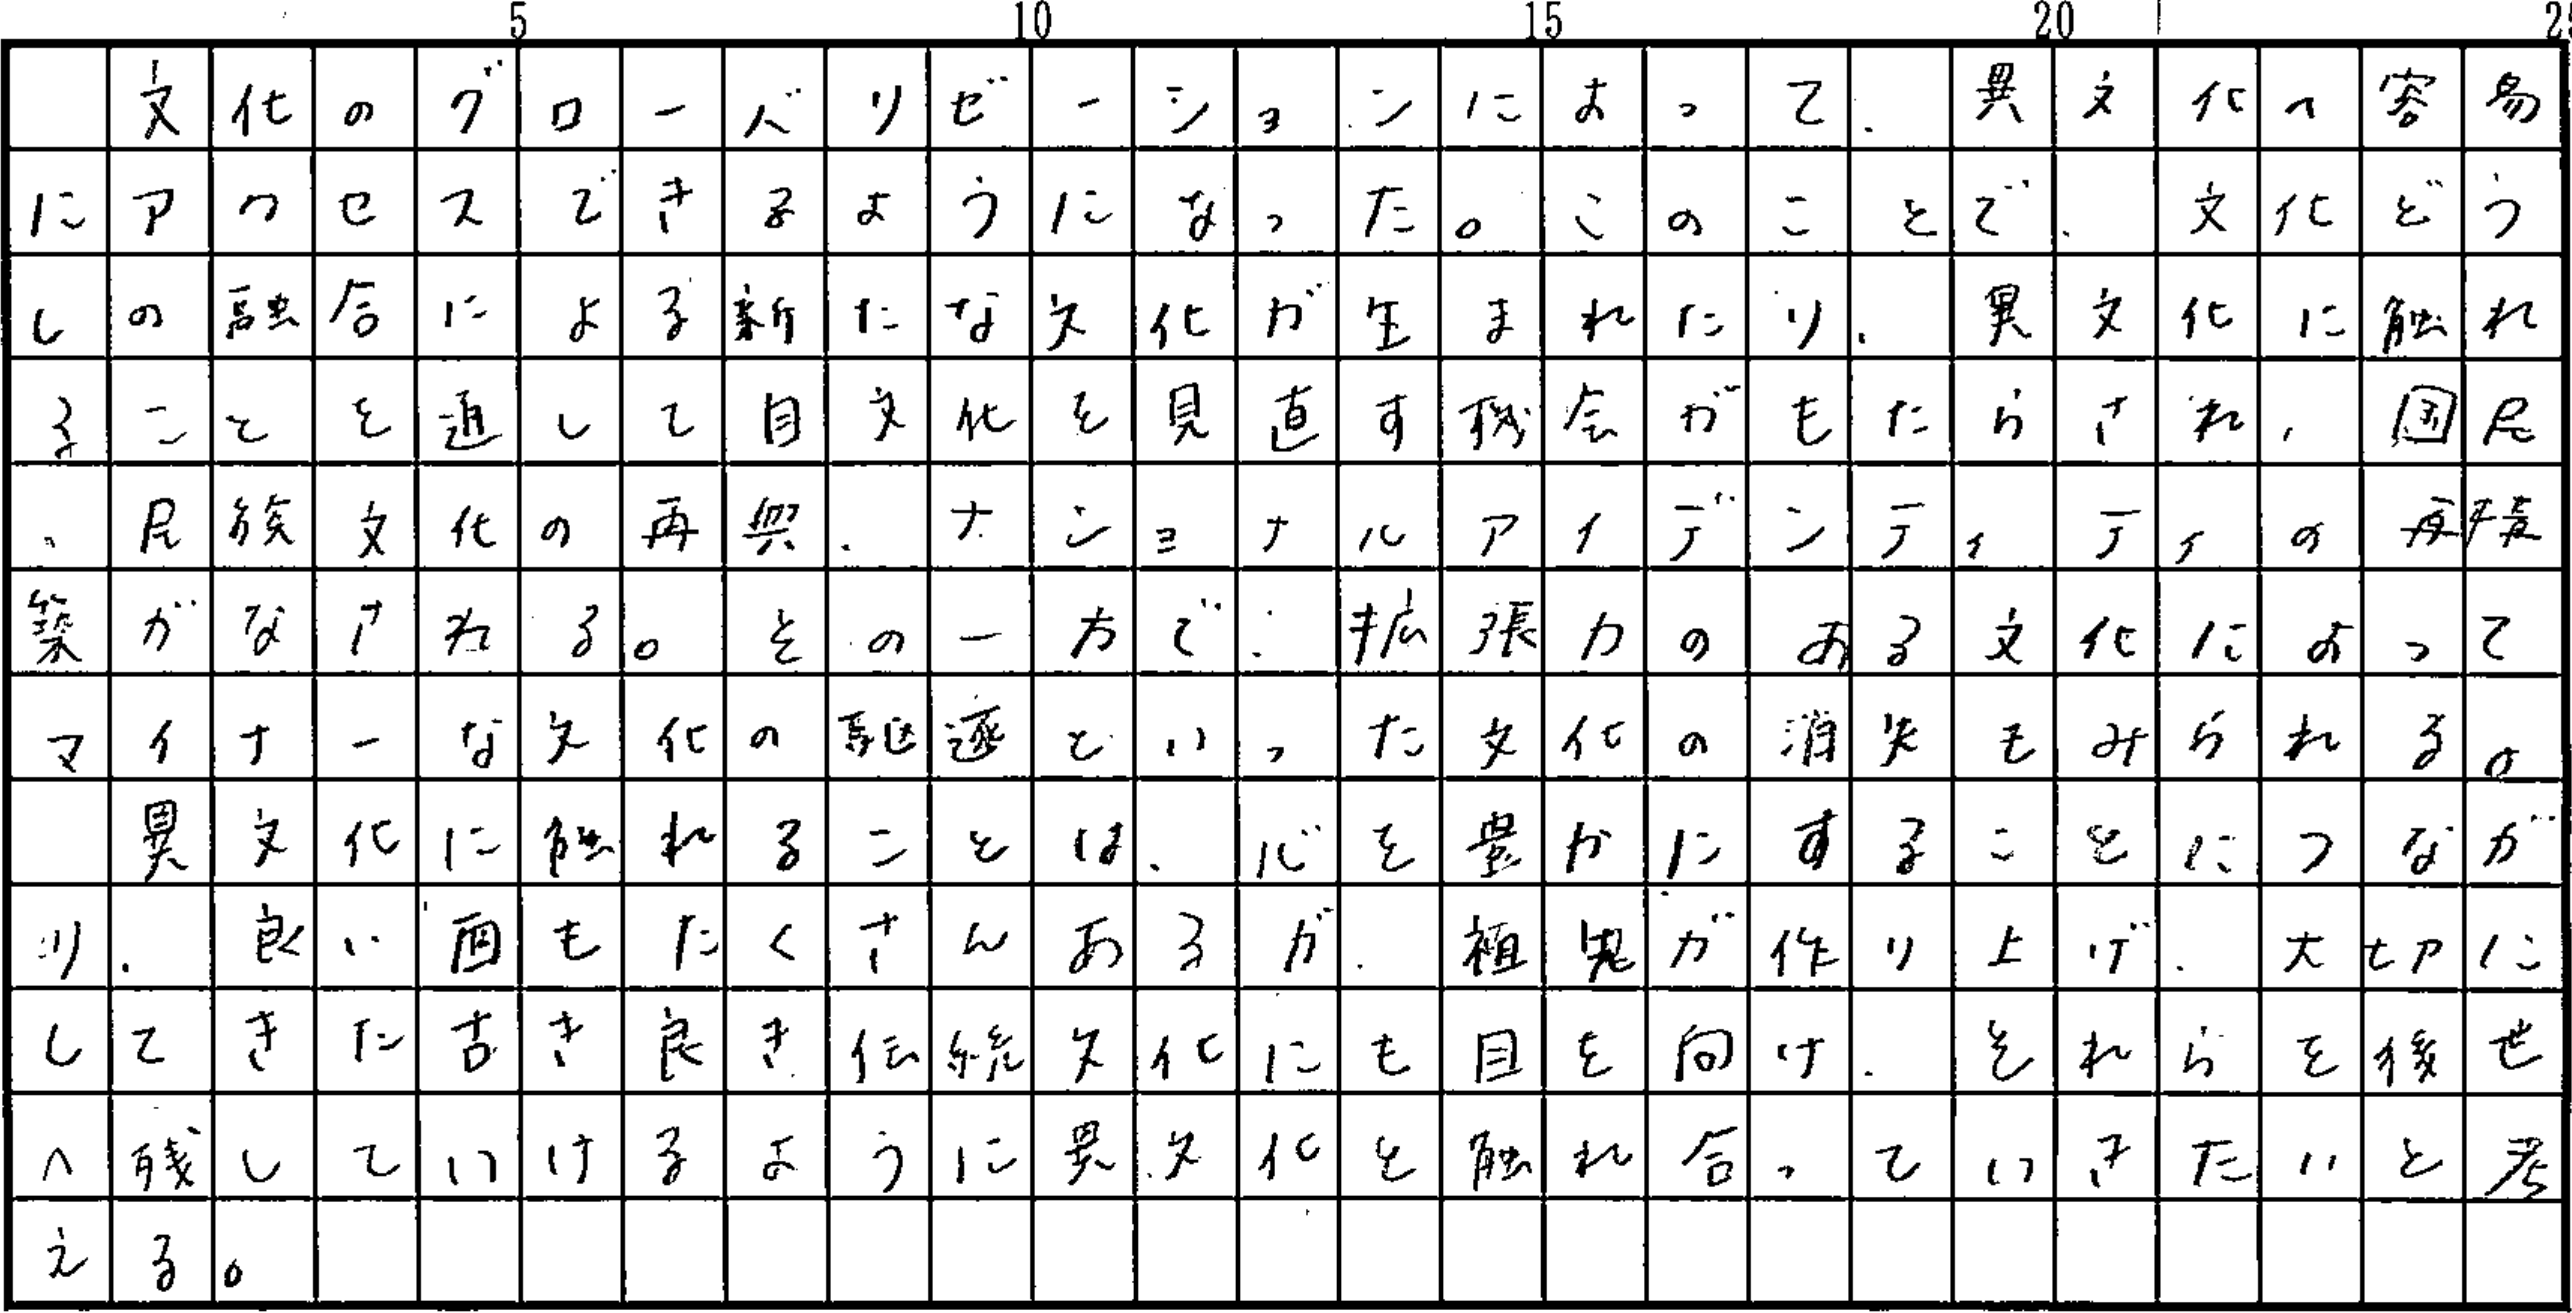　文化のグローバリゼーションによって、異文化へ容易にアクセスできるようになった。このことで、文化どうしの融合による新たな文化が生まれたり、異文化に触れることを通して自文化を見直す機会がもたらされ、国民、民族文化の再興、ナショナルアイデンティティの再構築がなされる。その一方で、拡張力のある文化によってマイナーな文化の駆逐といった文化の消失もみられる。
　異文化に触れることは、心を豊かにすることにつながり、良い面もたくさんあるが、祖先が作り上げ、大切にしてきた古き良き伝統文化にも目を向け、それらを後世へ残していけるように異文化と触れ合っていきたいと考える。
